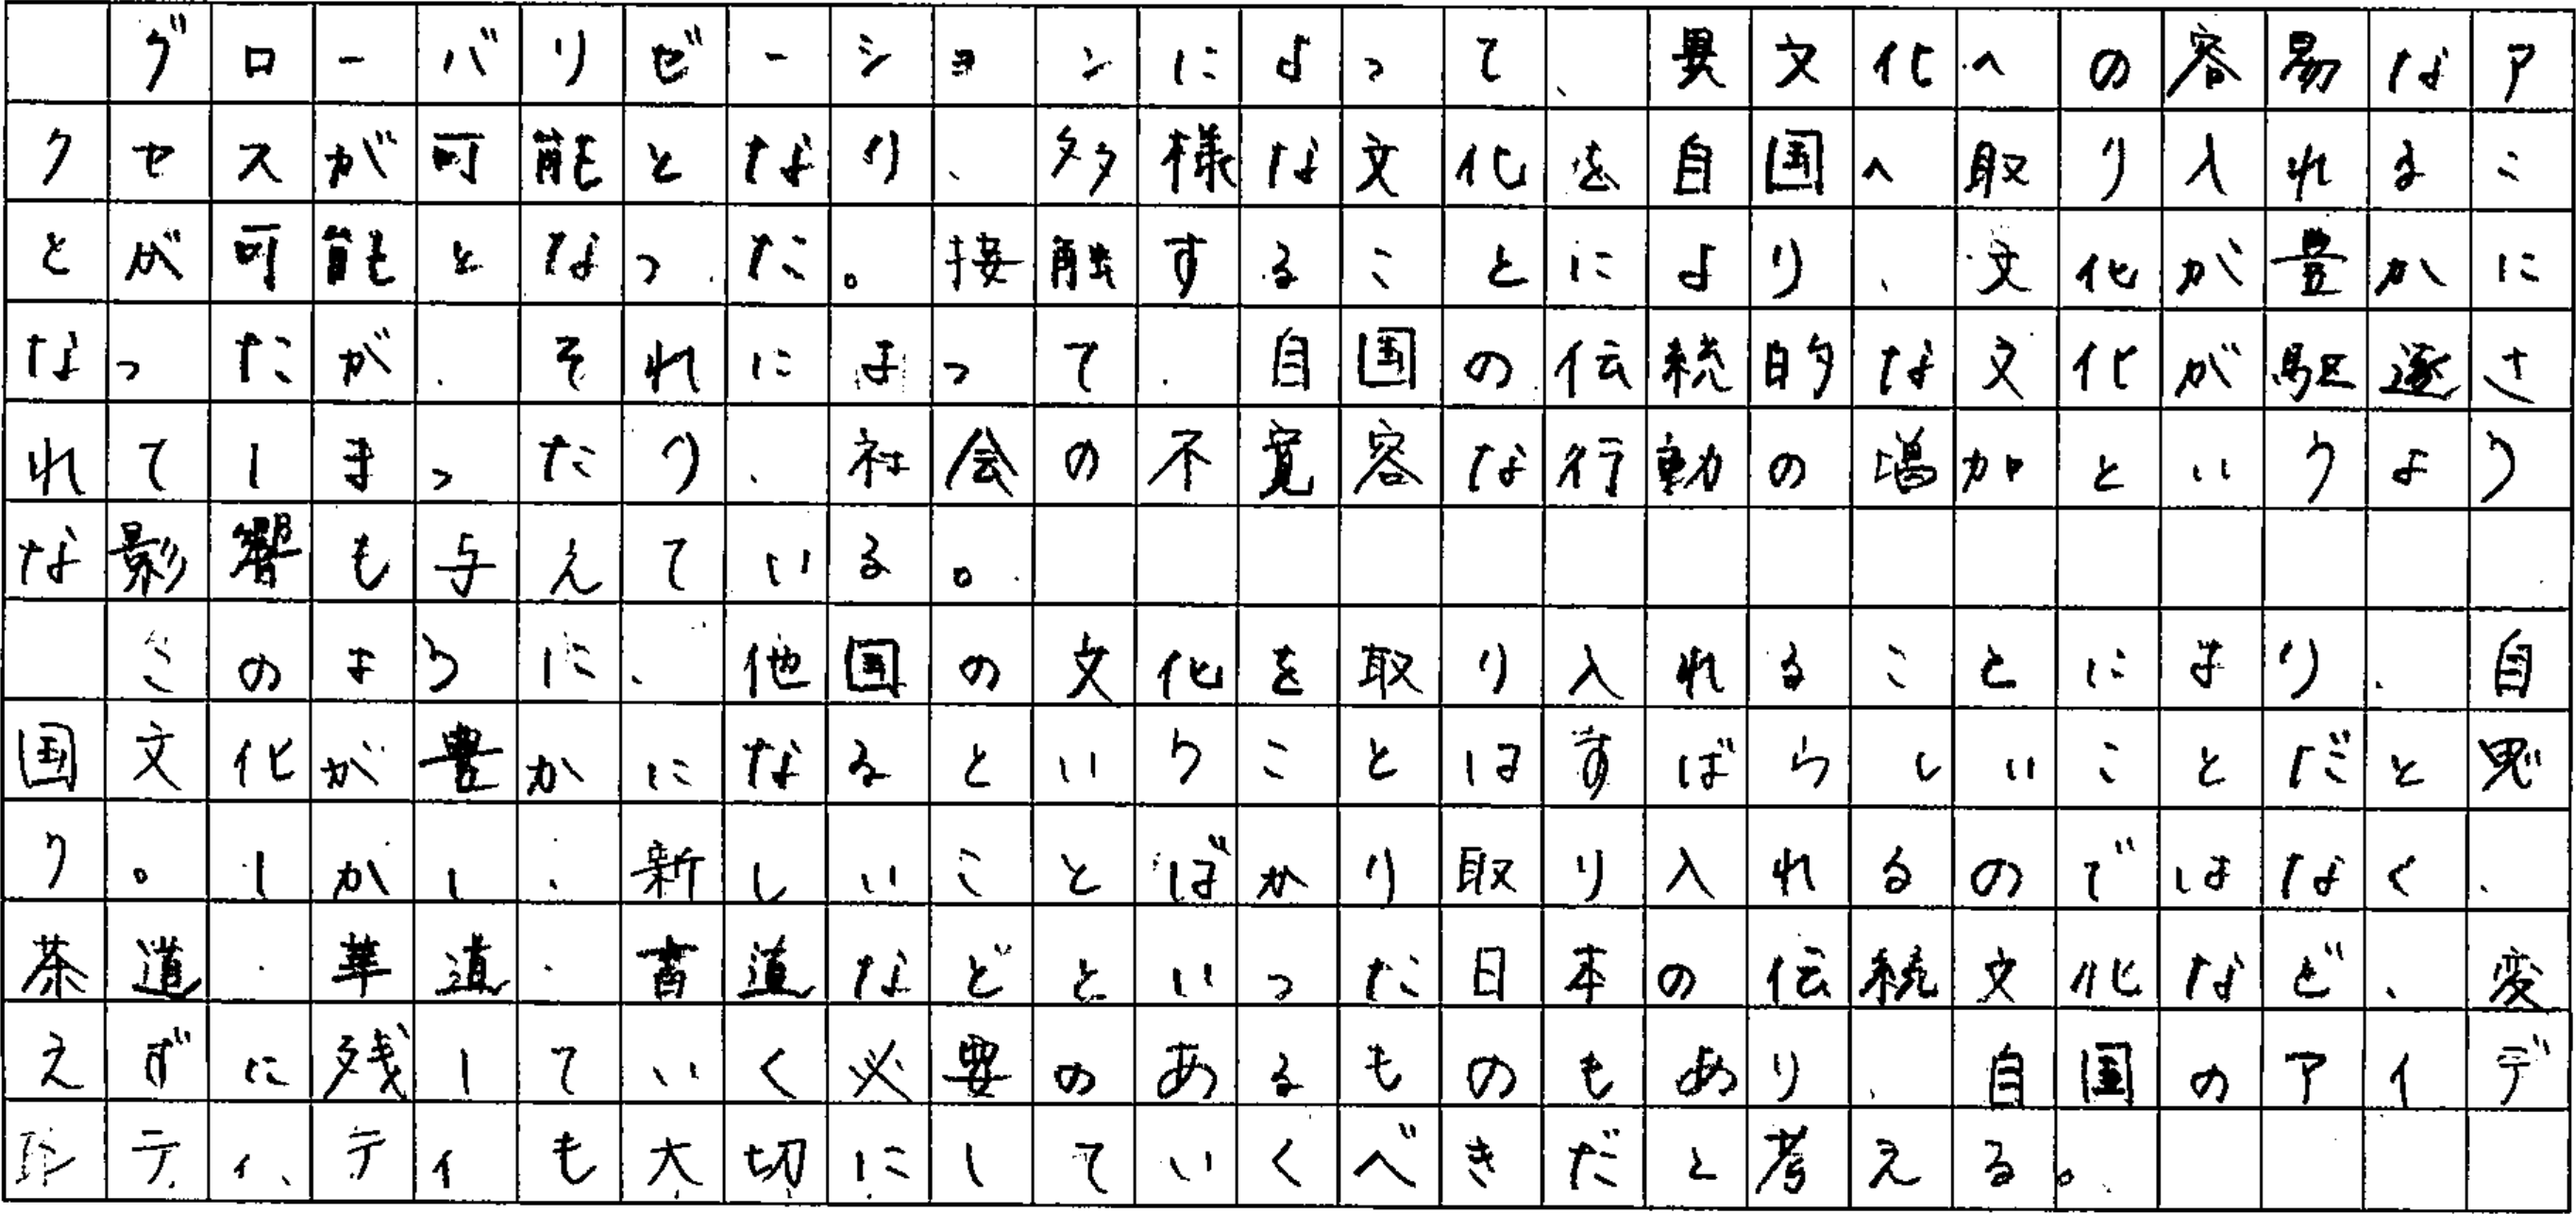　グローバリゼーションによって、異文化への容易なアクセスが可能となり、多様な文化を自国へ取り入れることが可能となった。接触することにより、文化が豊かになったが、それによって、自国の伝統的な文化が駆逐されてしまったり、社会の不寛容な行動の増加というような影響も与えている。
　このように、他国の文化を取り入れることにより、自国文化が豊かになるということはすばらしいことだと思う。しかし、新しいことばかり取り入れるのではなく、茶道、華道、書道などといった日本の伝統文化など、変えずに残していく必要のあるものもあり、自国のアイデンティティも大切にしていくべきだと考える。
